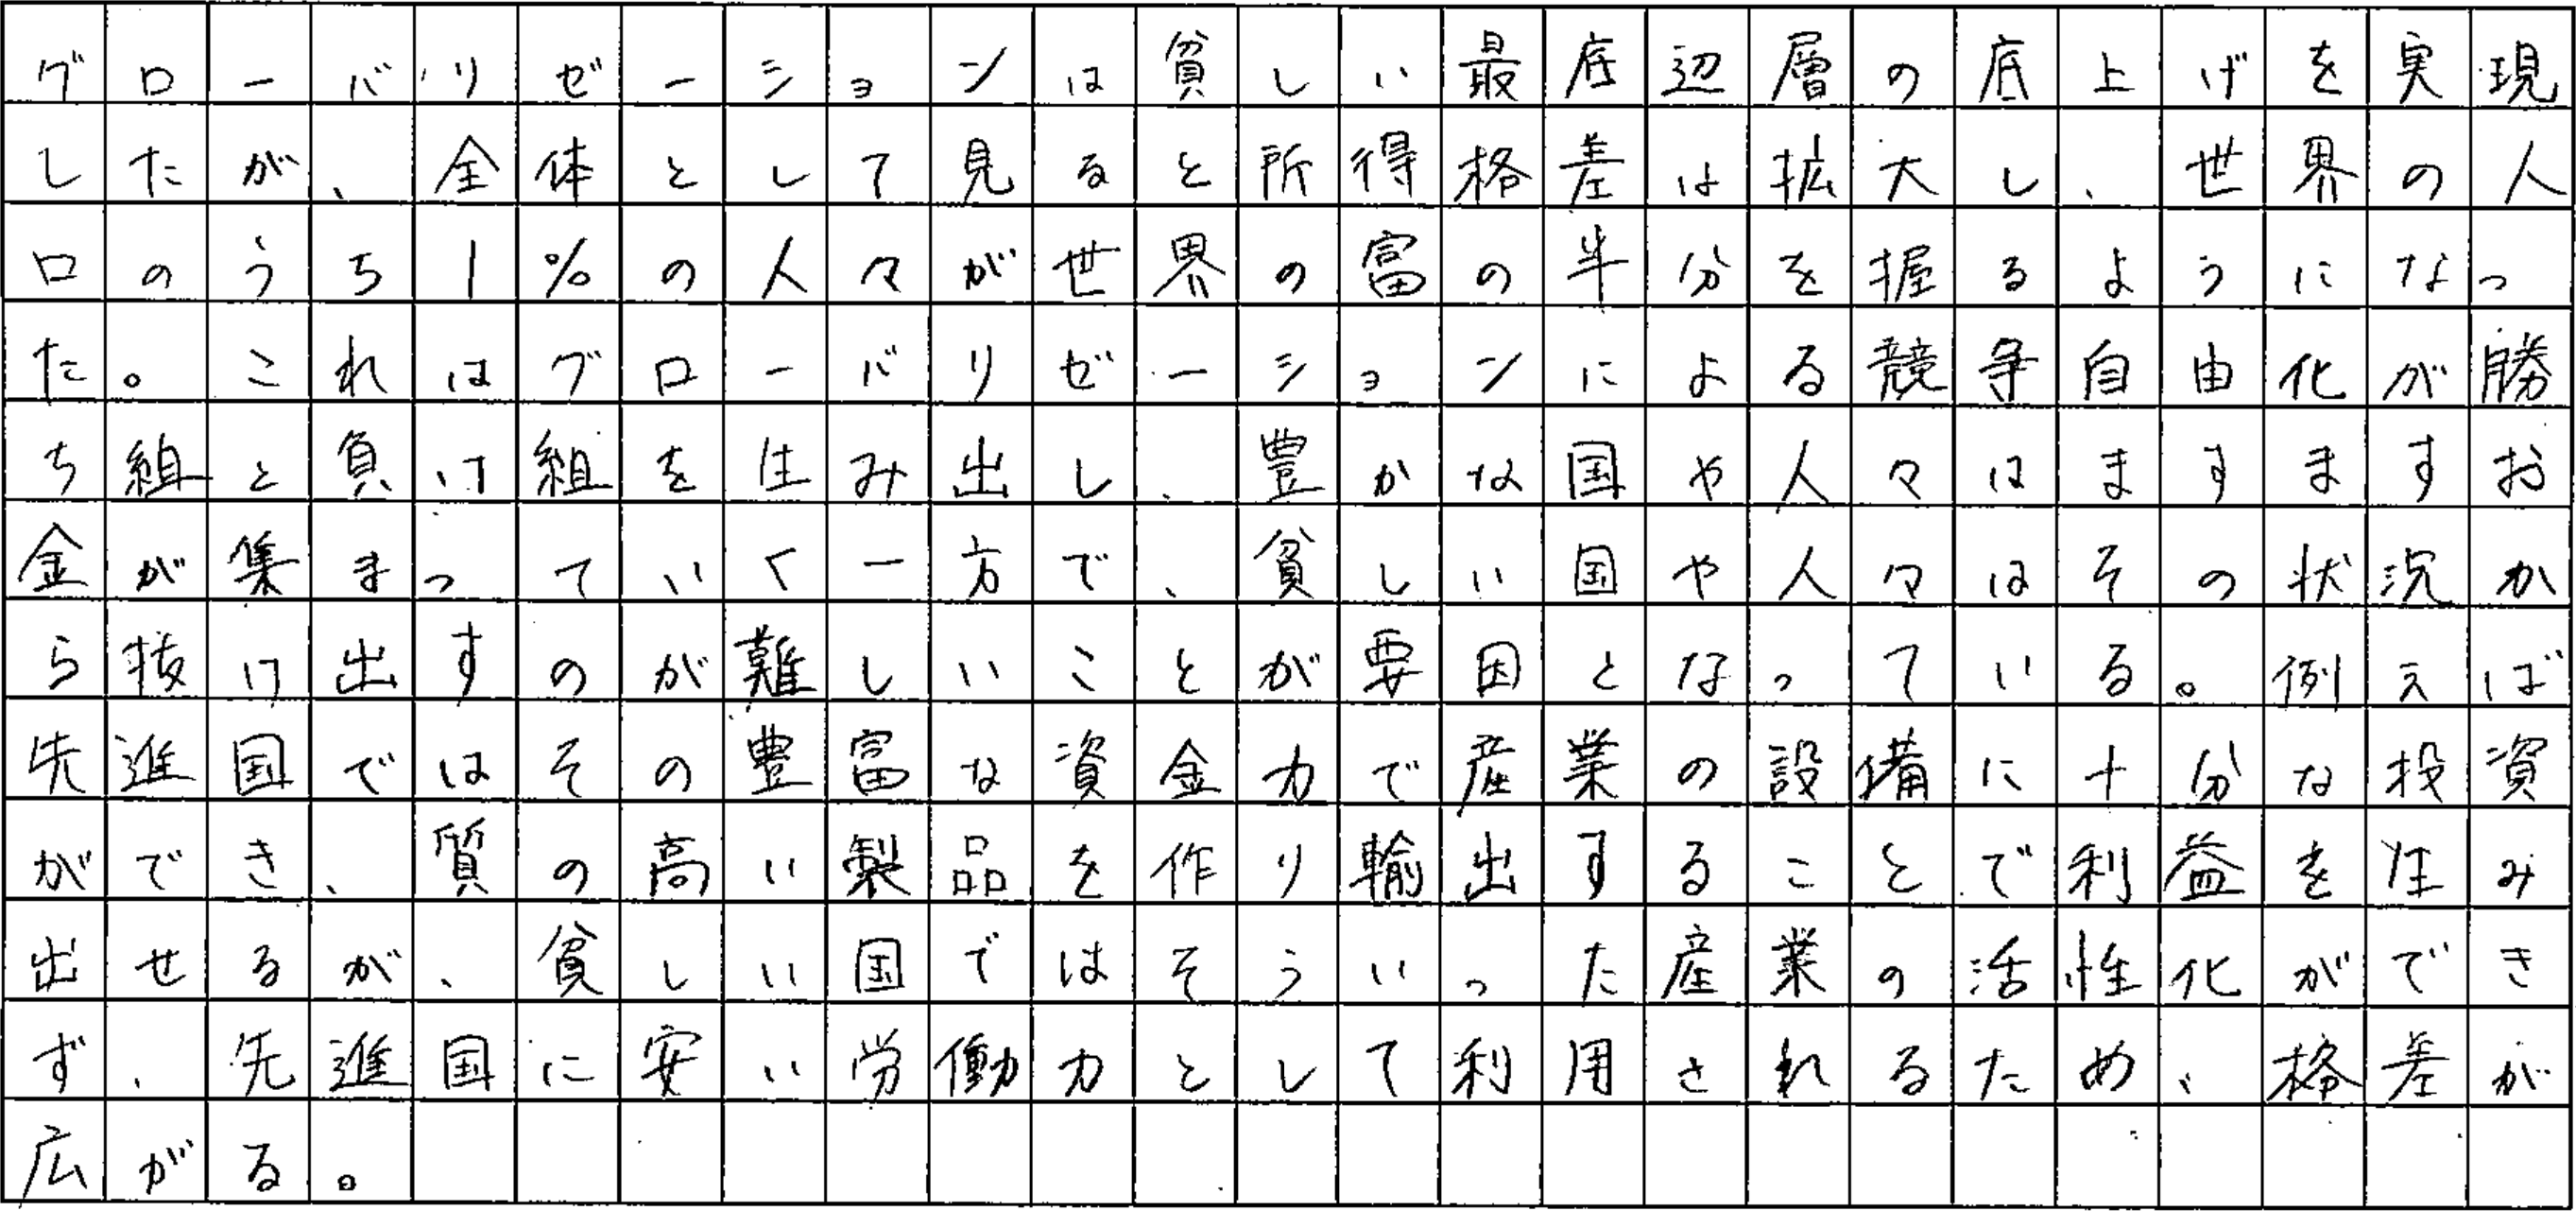グローバリゼーションは貧しい最底辺層の底上げを実現したが、全体として見ると所得格差は拡大し、世界の人口のうち１％の人々が世界の富の半分を握るようになった。これはグローバリゼーションによる競争自由化が勝ち組と負け組を生み出し、豊かな国や人々はますますお金が集まっていく一方で、貧しい国や人々はその状況から抜け出すのが難しいことが要因となっている。例えば先進国ではその豊富な資金力で産業の設備に十分な投資ができ、質の高い製品を作り輸出することで利益を生み出せるが、貧しい国ではそういった産業の活性化ができず、先進国に安い労働力として利用されるため、格差が広がる。
